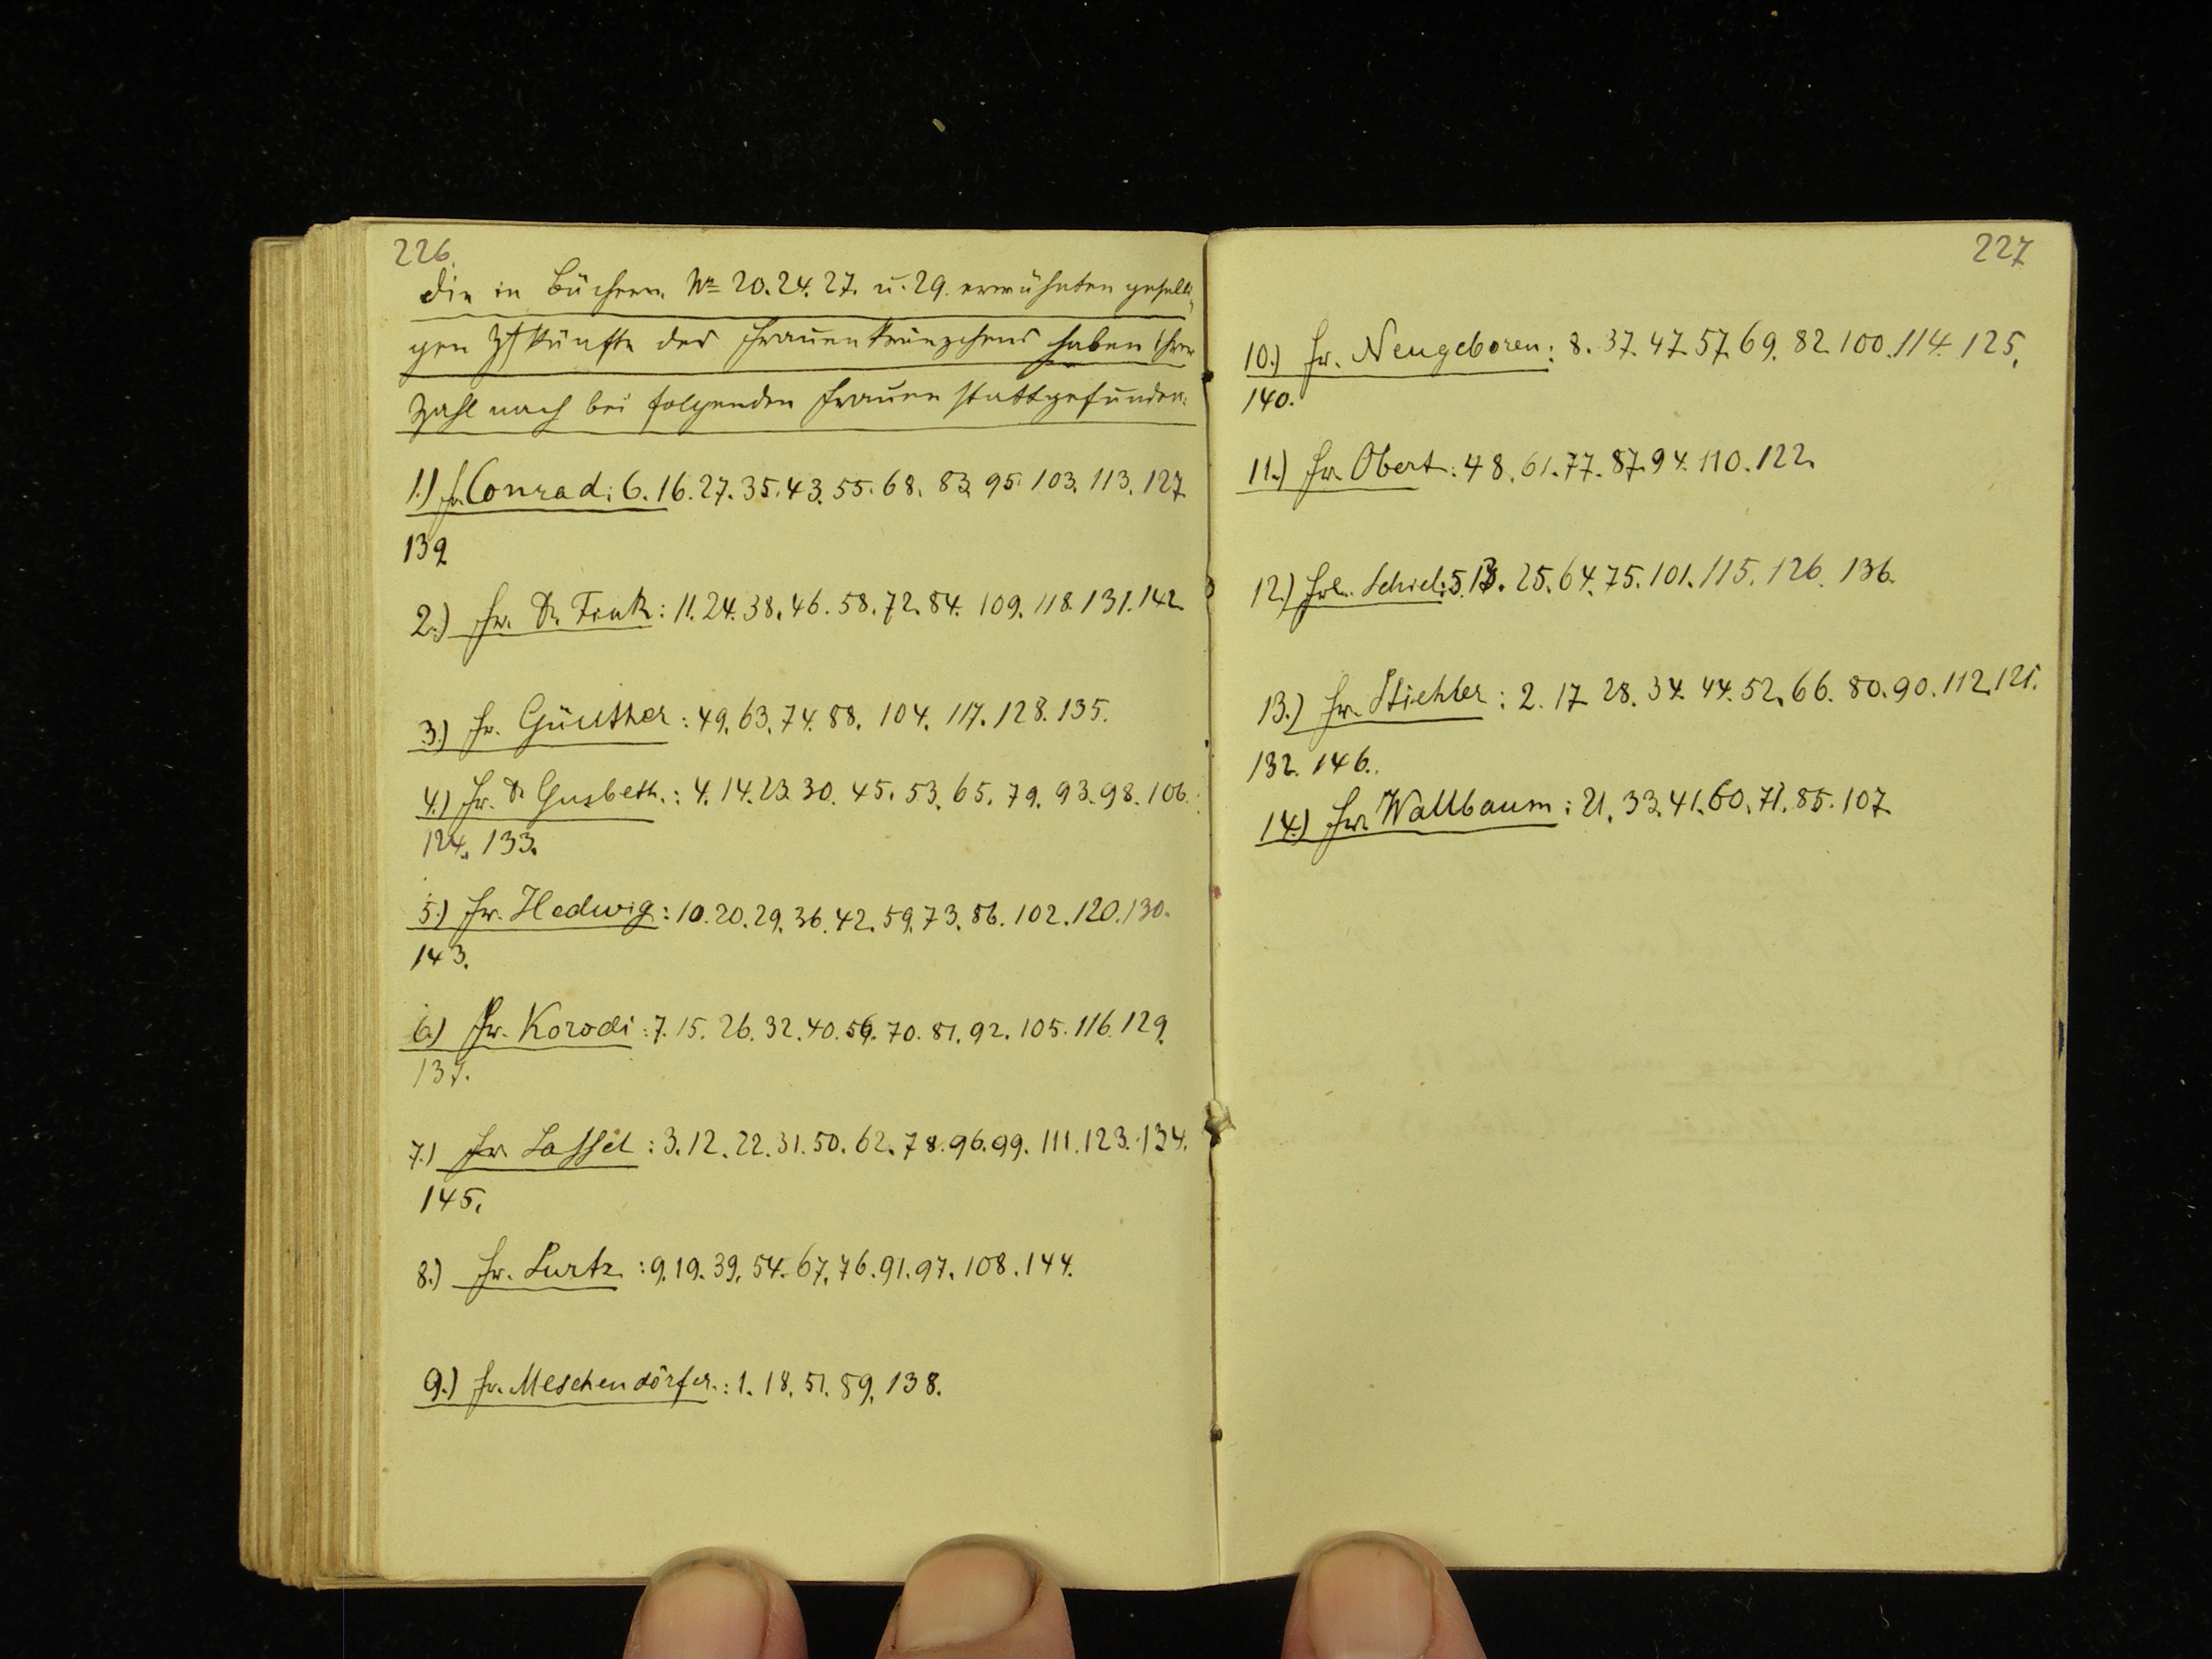228
Die in den Büchern Nr: 20, 24, 27, und 29.erwähnten geselli¬
gen Zusammenkünfte des Frauenkränzchens haben ihre
Zahl nach bei folgenden Frauen stattgefunden:
1) Fr. Conrad: 6.16.27.35.43.55.68.83.95.103.113.127.
139.
2) Fr. Dr. Fink; 11.24.38.46.58.72.84.109.118.131.142
3) Fr. Günther. 49.63.74.88.104.117.128.135.
4) Fr. Dr. Gusbeth: 4.14.23.30.45.53.65.79.93.98.106.
124.133.
5) Fr. Hedwig: 10.20.29.36.42.59.73.86.102.120.130.
143.
6) Fr. Korodi: 7.15.26.32.40.56.70.81.92.105.116.129.
137
7) Fr. Lassel; 3.12.22.31.50.62.78.96.99.111.123.134.
145.
8) Fr. Lurtz; 9.19.39.54.67.76.91.97.108.144.
9) Fr.Meschendörfer: 1.18.51.89.138.
227
10) Fr. Neugeboren: 8.37.47.57.69.82.100.114.125.
140.
11) Fr. Obert: 48.61.77.87.94.110.122.
12) Frl. Schiel: 5.13.25.64.75.101.115.126.136.
13) Fr. Stiehler: 2.17.28.34.44.52.66.80.90.112.125.
132.146.
14) Fr. Wallbaum: 21.33.41.85.107.